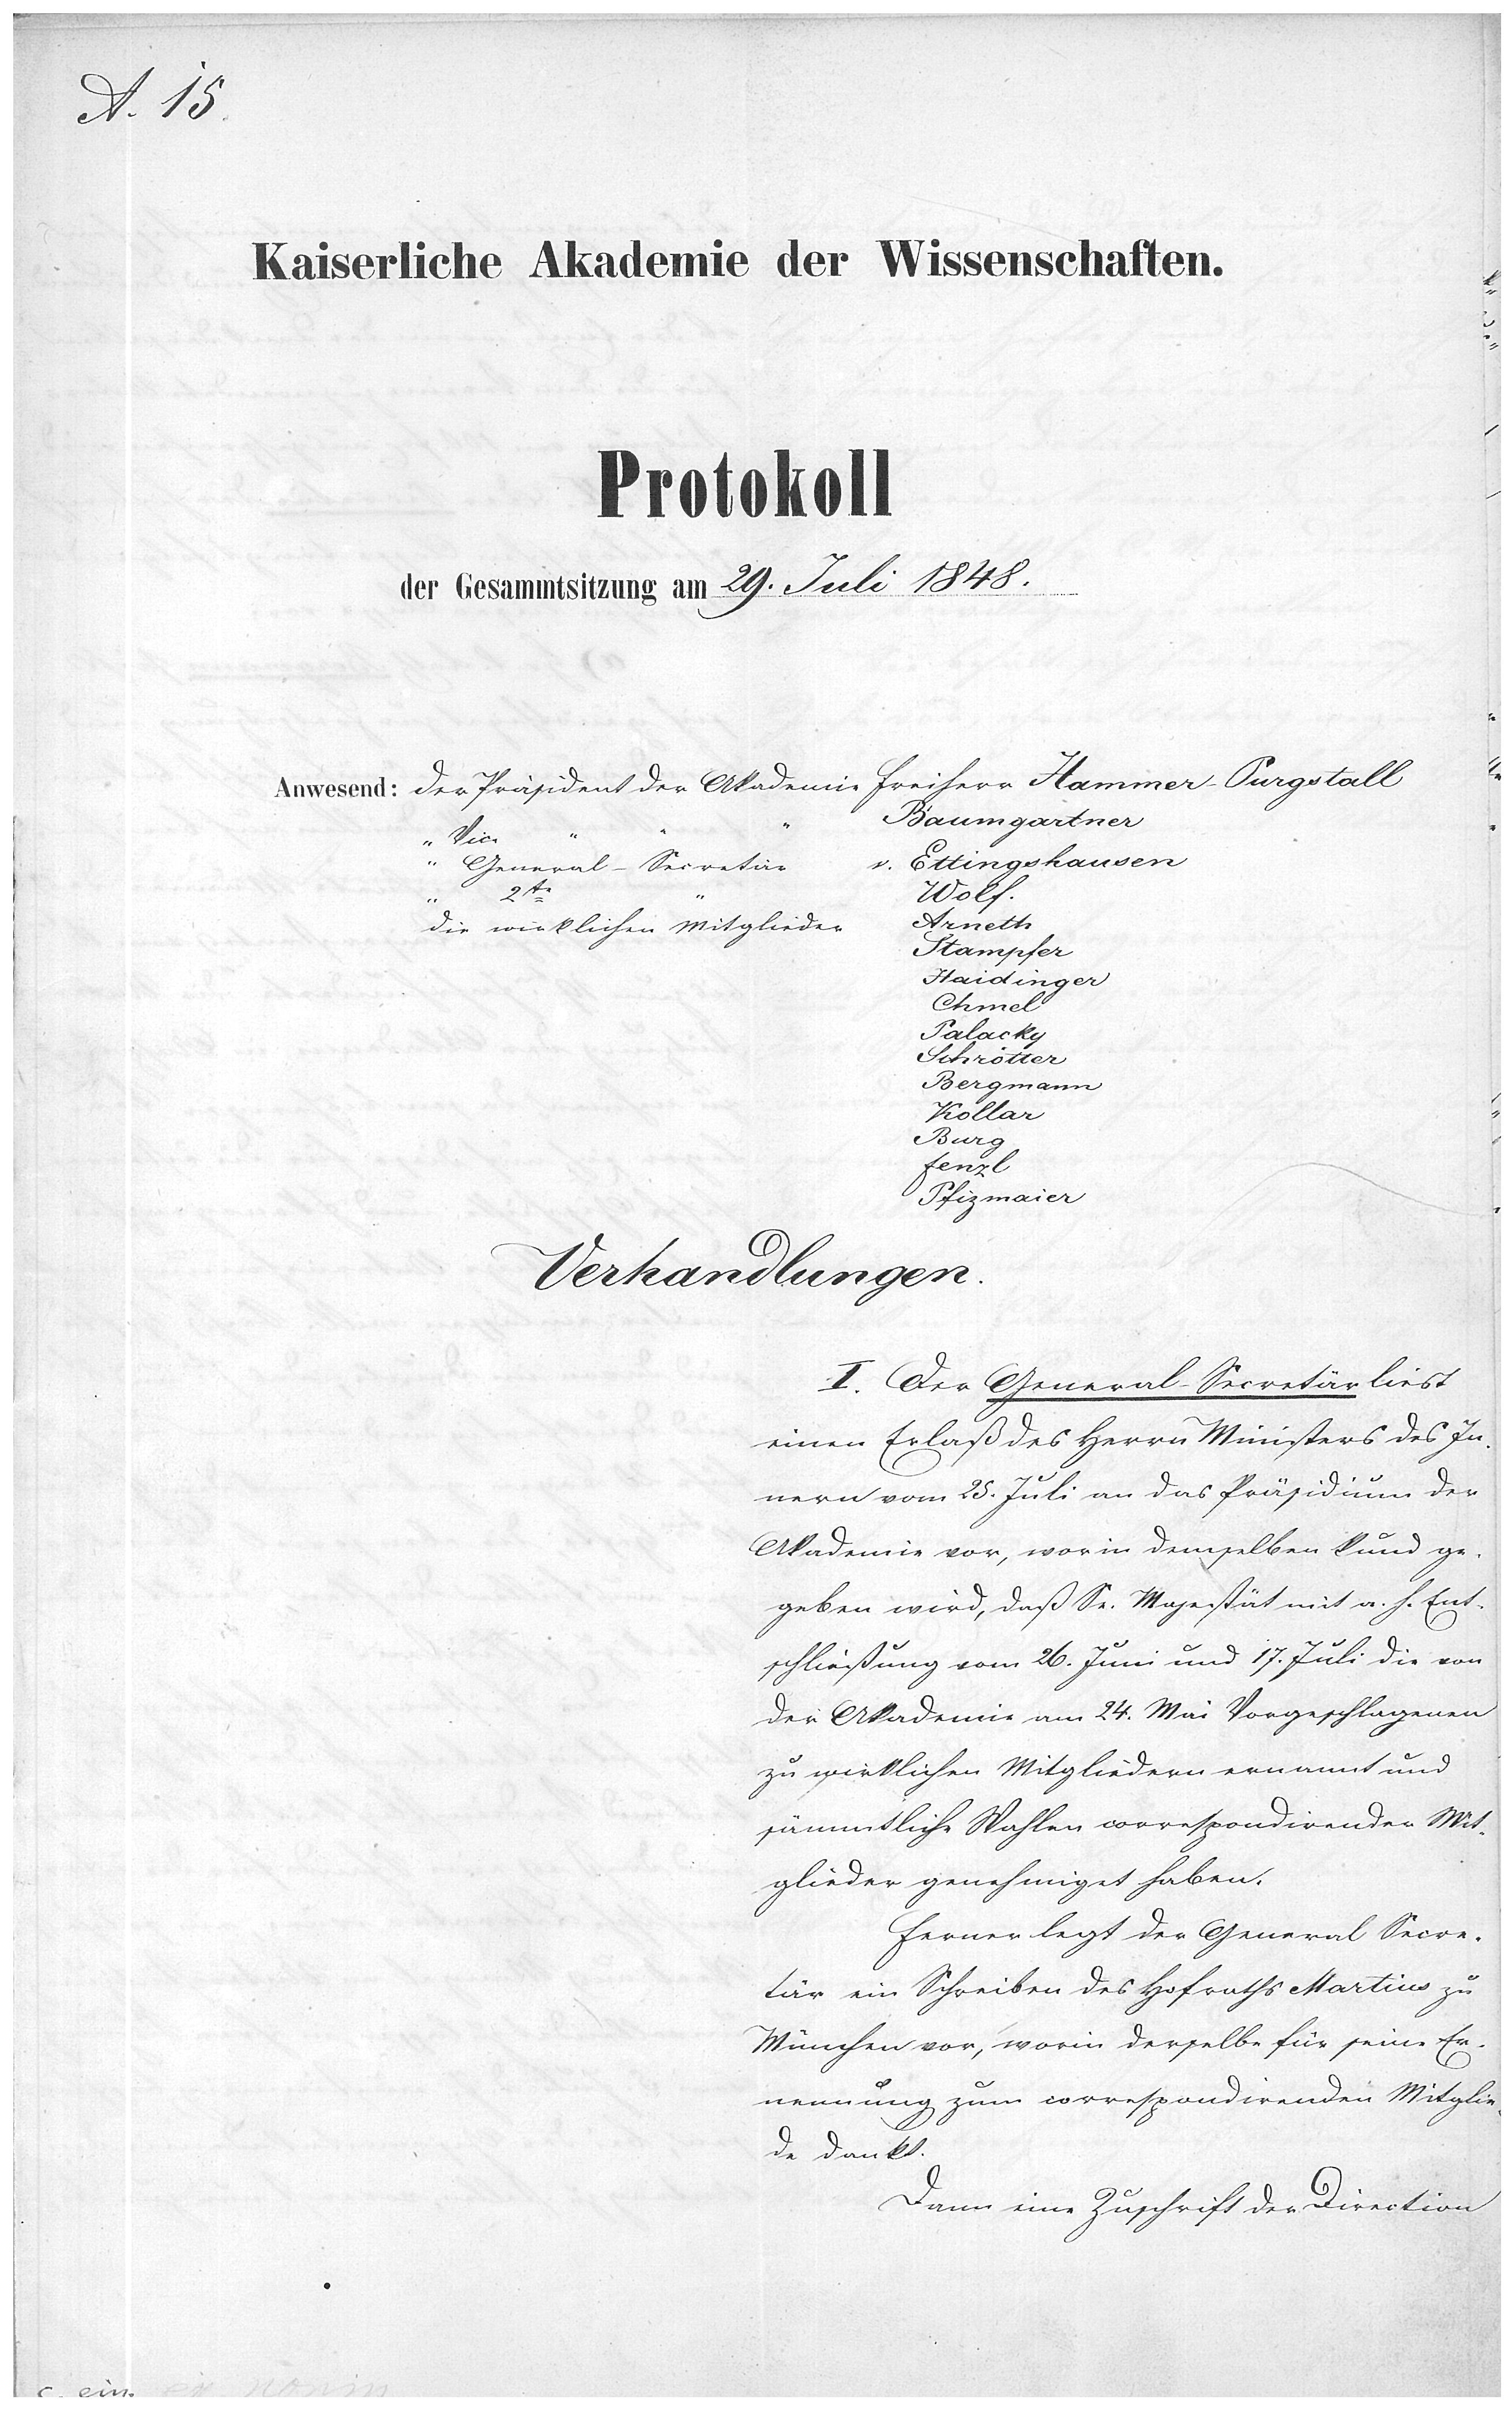A. 15.
Kaiserliche Akademie der Wissenschaften.
Protokoll
der Gesammtsitzung am 29. Juli 1848.
Anwesende: der Präsident der Akademie Freiherr Hammer-Purgstall
" Vice " " " Baumgartner
" General-Secretär " Ettingshausen
" 2te " " Wolf
die wirklichen Mitglieder Arneth
Stampfer
Haidinger
Chmel
Palacky
Schrötter
Bergmann
Kollar
Burg
Fenzl
Pfizmaier
Verhandlungen.
I. Der General-Secretär liest
einen Erlaß des Herrn Minister des In-
nern vom 25. Juli an das Präsidium der
Akademie vor, worin demselben kund ge-
geben wird, daß Sr. Majestät mit a.h. Ent-
schließung vom 26. Juni und 17. Juli die von
der Akademie am 24. Mai Vorgeschlagenen
zu wirklichen Mitgliedern ernannt und
sämmtliche Wahlen correspondirender Mit-
glieder genehmiget haben.
Ferner legt der General Secre-
tär ein Schreiben des Hofraths Martius zu
München vor, worin derselbe für seine Er
nennung zum correspondirenden Mitglie-
de dankt.
Dann eine Zuschrift der Direction